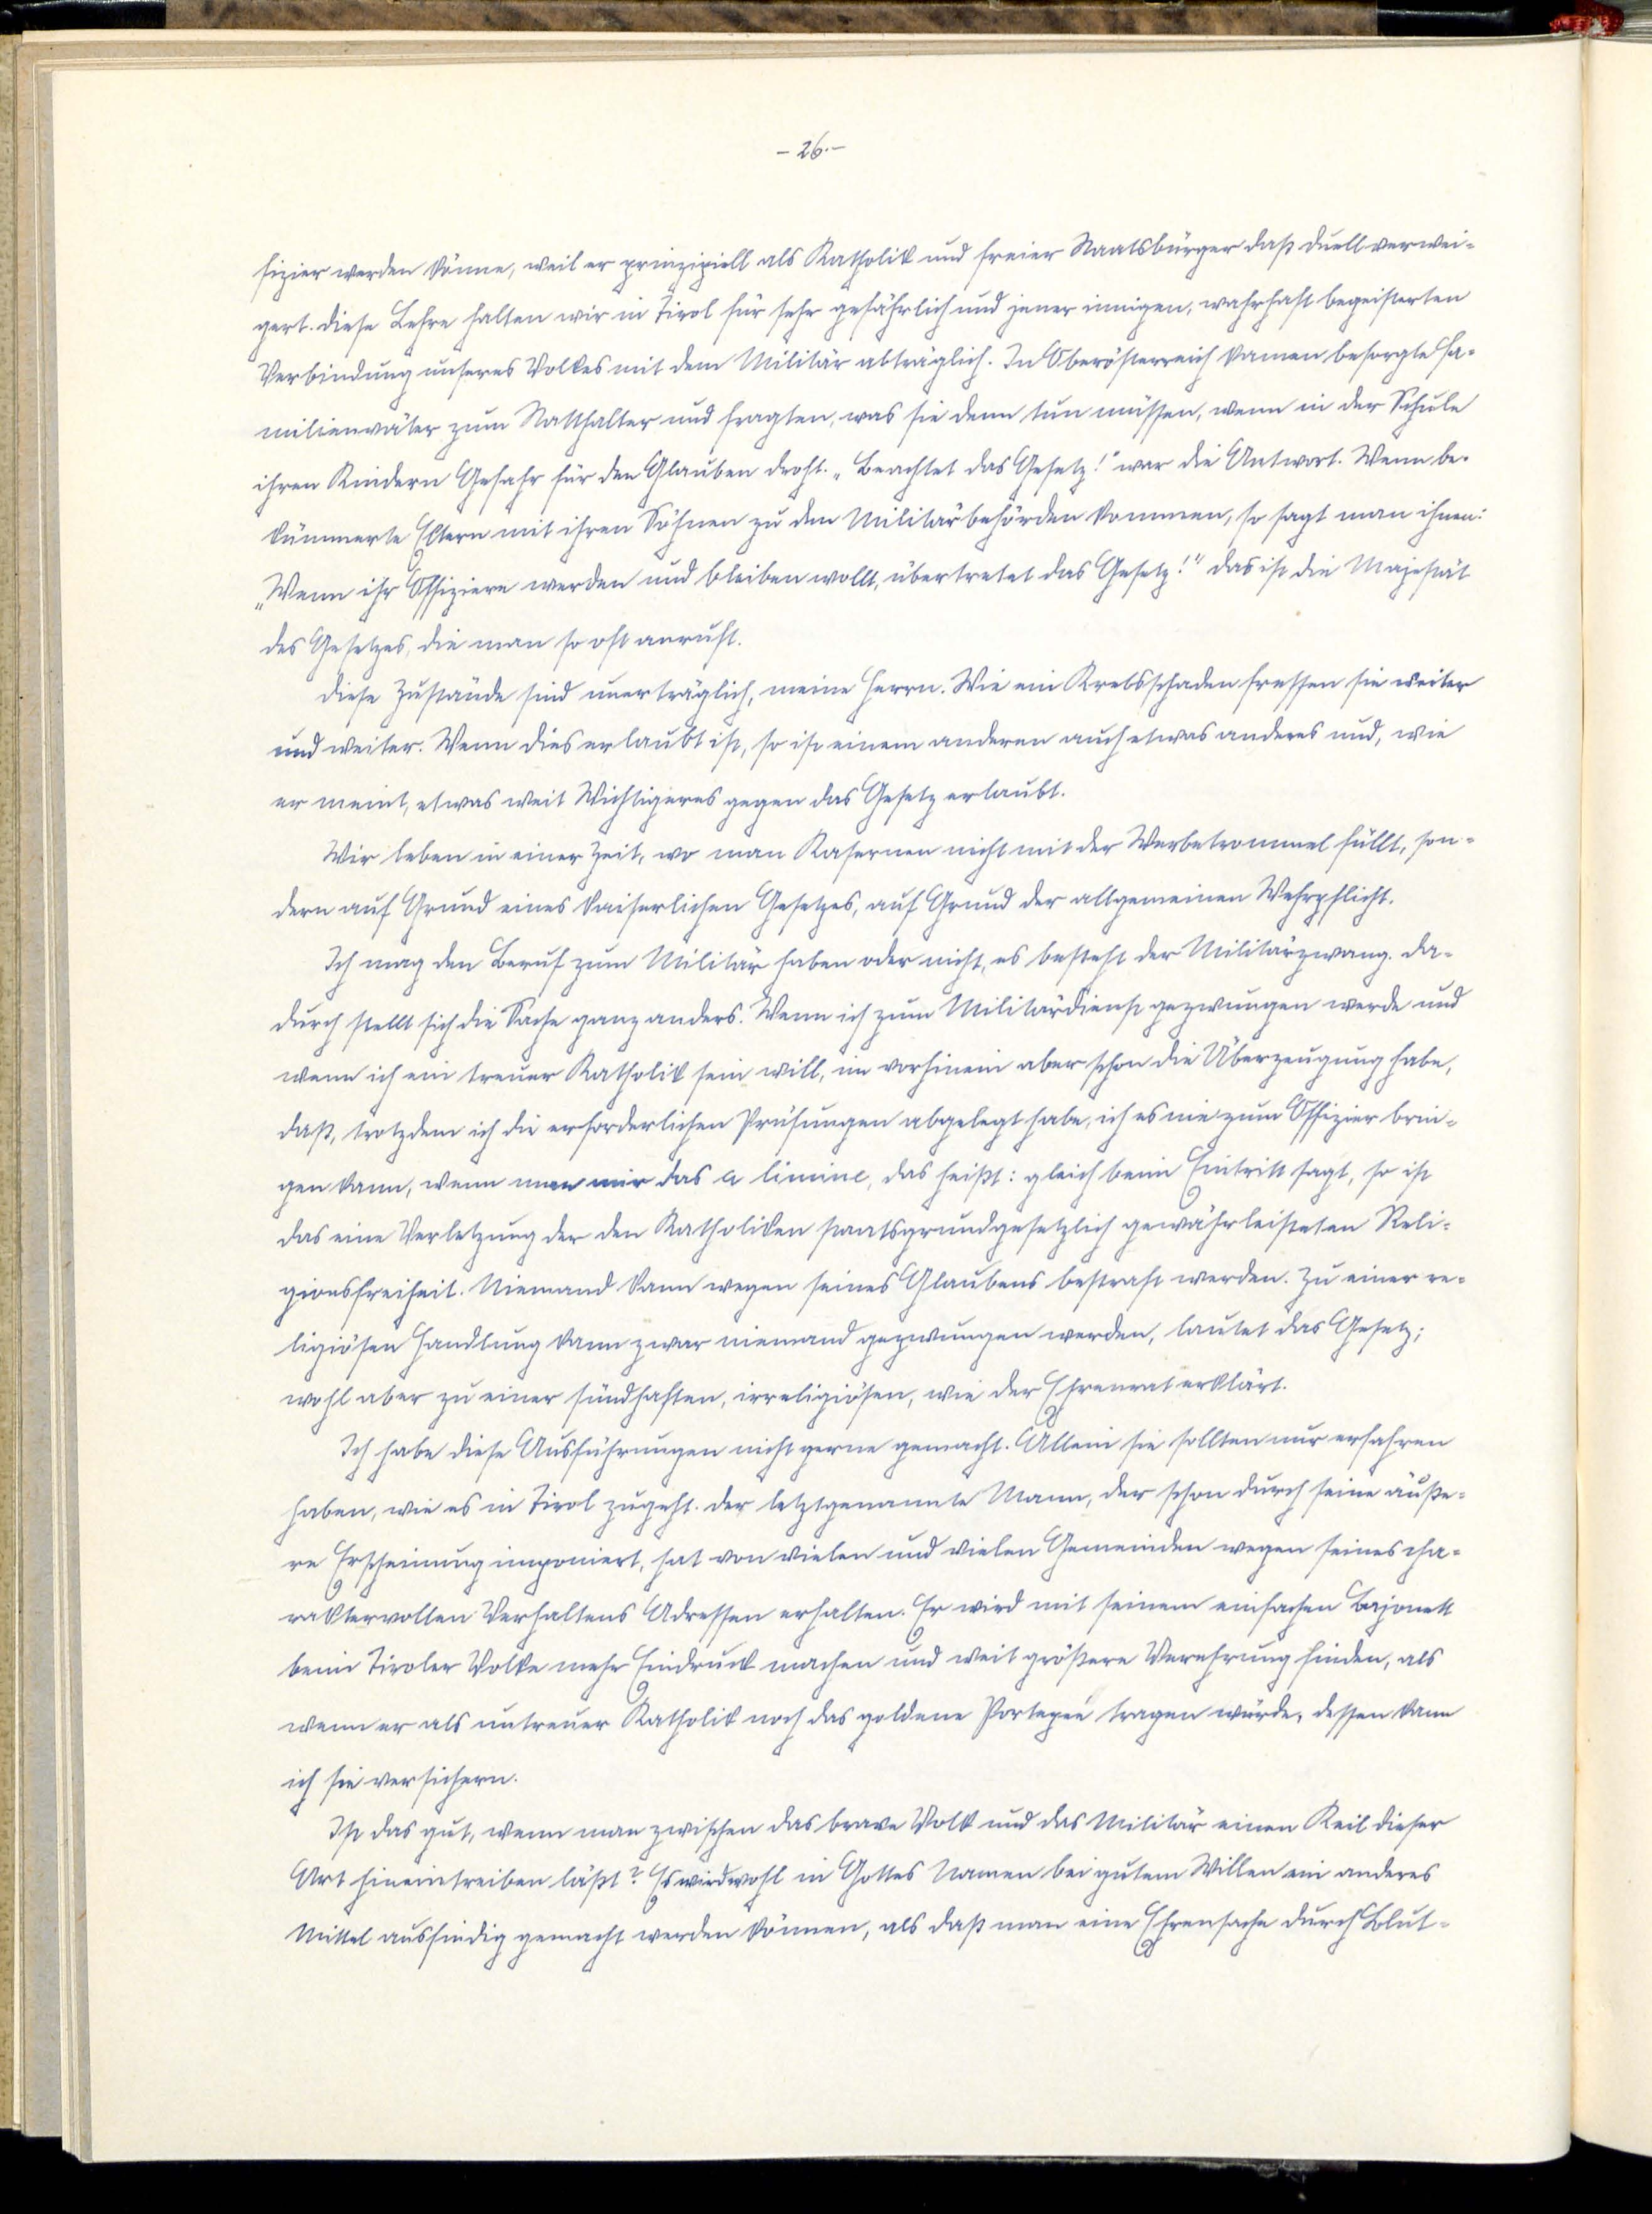26.
fizier werden könne, weil er prinzipiell als Katholik und freier Staatsbürger das Duell verwei-
gert. Diese Lehre halten wir in Tirol für sehr gefährlich und jener innigen, wahrhaft begeisterten
Verbindung unseres Volkes mit dem Militär abträglich. In Oberösterreich kamen besorgte Fa-
milienväter zum Statthalter und fragten, was sie denn tun müssen, wenn in der Schule
ihren Kindern Gefahr für den Glauben droht. "Beachtet das Gesetz!“ war die Antwort. Wenn be-
kümmerte Eltern mit ihren Söhnen zu den Militärbehörden kommen, so sagt man ihnen:
Wenn ihr Ofiziere werden und bleiben wollt, übertretet das Gesetz!“ Das ist die Majestät
des Gesetzes, die man so oft anruft.
Diese Zustände sind unerträglich, meine Herrn. Wie ein Krebssschaden fressen sie weiter
und weiter. Wenn dies erlaubt ist, so ist einem anderen auch etwas anderes und, wie
er meint, etwas weit Wichtigeres gegen das Gesetz erlaubt.
Wir leben in einer Zeit, wo man Kasernen nicht mit der Werbetrommel füllt, son-
dern auf Grund eines kaiserlichen Gesetzes, auf Grund der allgemeinen Wehrpflicht.
Ich mag den Beruf zum Militär haben oder nicht, es besteht der Militärzwang. Da-
durch stellt sich die Sache ganz anders. Wenn ich zum Militärdienst gezwungen werde und
wenn ich ein treuer Katholik sein will, im vorhinein aber schon die Überzeugung habe,
daß, trotzdem ich die erforderlichen Prüfungen abgelegt habe, ich es nie zum Ofizier brin
gen kann, wenn man mir das a limine, das heißt: gleich beim Eintritt sagt, so ist
das eine Verletzung der den Katholiken staatsgrundgesetzlich gewährleisteten Reli-
gionsfreiheit. Niemand kann wegen seines Glaubens bestraft werden. Zu einer re-
ligiösen Handlung kann zwar niemand gezwungen werden, lautet das Gesetz;
wohl aber zu einer sündhaften, irreligiösen, wie der Ehrenrat erklärt.
Ich habe diese Ausführungen nicht gerne gemacht. Allein sie sollten nur erfahren
haben, wie es in Tirol zugeht. Der letztgenannte Mann, der schon durch seine äuße-
re Erscheinung innponiert, hat von vielen und vielen Gemeinden wegen seines cha-
raktervollen Verhaltens Adressen erhalten. Er wird mit seinem einfachen Bajonett
beim Tiroler Volke mehr Eindruck machen und weit größere Verehrung finden, als
wenn er als untreuer Ratholik noch das goldene Portepée tragen würde, dessen kann
ich sie versichern.
Ist das gut, wenn man zwischen das brave Volk und das Militär einen Keil dieser
Art hineintreiben läßt? Es wird wohl in Gottes Namen bei gutem Willen ein anderes
Mittel ausfindig gemacht werden können, als daß man eine Ehrensache durch Blut-